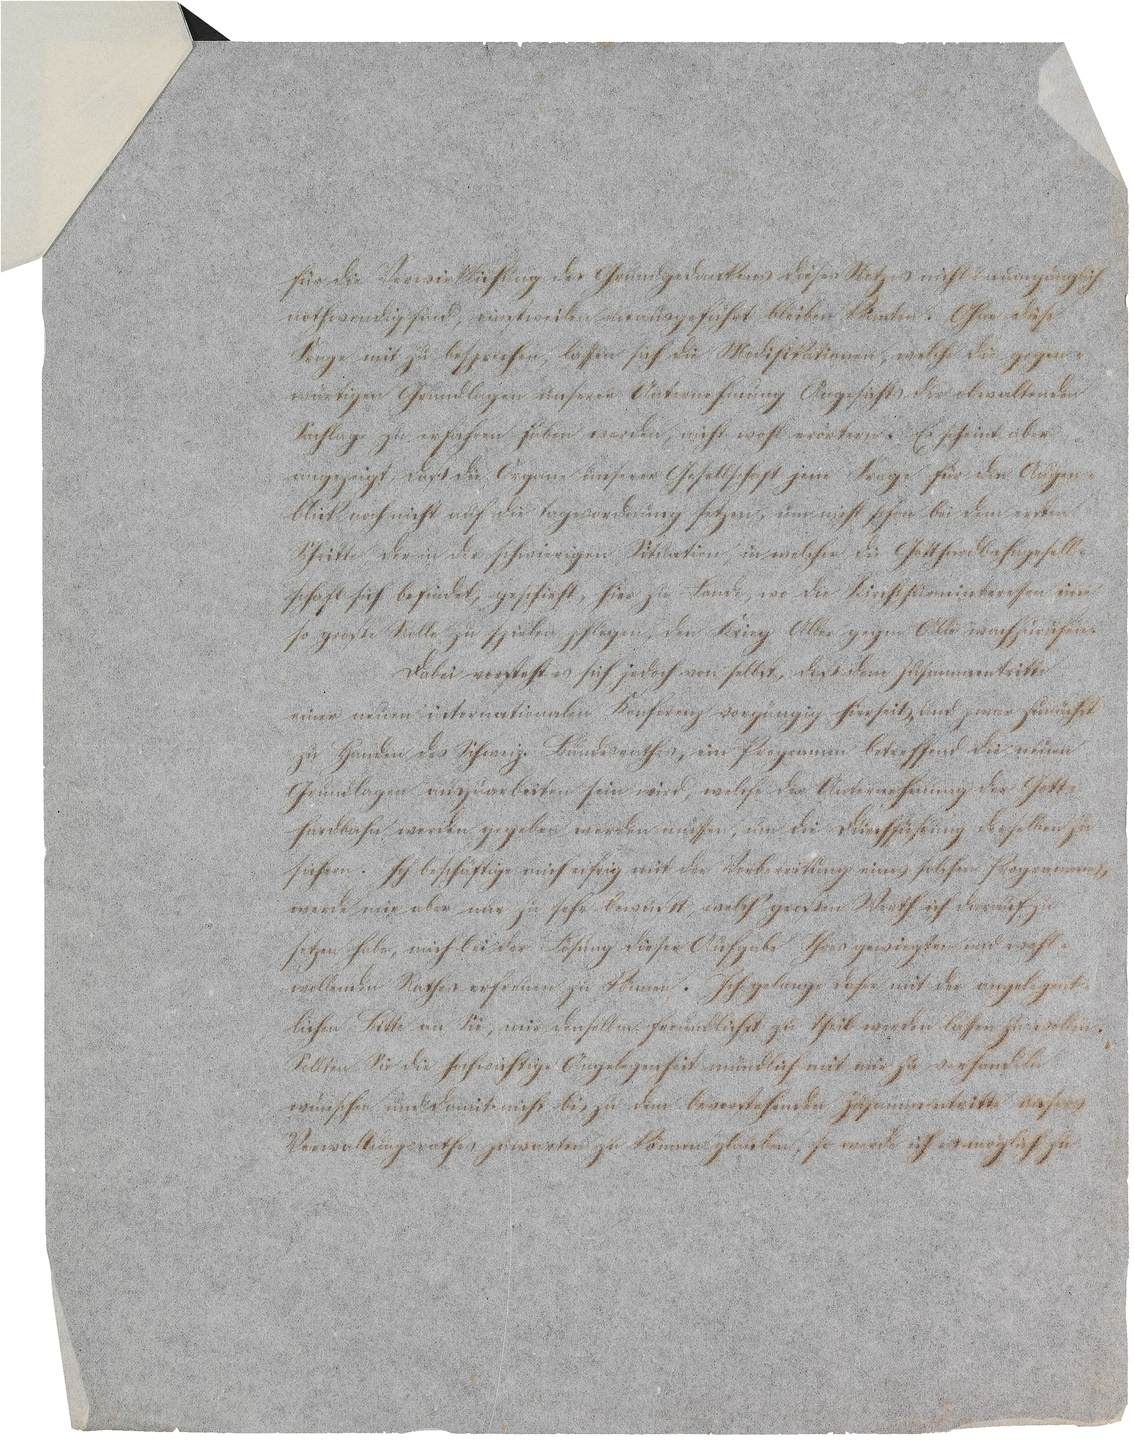für die Verwirklichung des Grundgedankens dieses Netzes nicht unumgänglich
nothwendig sind, einstweilen unausgeführt bleiben könnten. Ohne diese
Frage mit zu besprechen, lassen sich die Modifikationen, welche die gegen-
wärtigen Grundlagen unserer Unternehmung Angesichts der obwaltenden
Sachlage zu erfahren haben werden, nicht wohl erörtern. Es scheint aber
angezeigt, daß die Organe unserer Gesellschaft jene Frage für den Augen-
blick noch nicht auf die Tagesordnung setzen, um nicht schon bei dem ersten
Schritte, der in der schwierigen Situation, in welcher die Gotthardbahngesell-
schaft sich befindet, geschieht, hier zu Lande, wo die Kirchthurminteressen eine
so große Rolle zu spielen pflegen, den Krieg Aller gegen Alle wachzurufen.
Dabei versteht es sich jedoch von selbst, daß dem Zusammentritte
einer neuen internationalen Konferenz vorgängig hierseits, und zwar zunächst
zu Handen des Schweiz. Bundesrathes, ein Programm betreffend die neuen
Grundlagen auszuarbeiten sein wird, welche der Unternehmung der Gott-
hardbahn werden gegeben werden müssen, um die Durchführung derselben zu
sichern. Ich beschäftige mich eifrig mit der Vorbereitung eines solchen Programmes,
werde mir aber nur zu sehr bewußt, welchen großen Werth ich darauf zu
setzen habe, mich bei der Lösung dieser Aufgabe Ihres gewiegten und wohl-
wollenden Rathes erfreuen zu können. Ich gelange daher mit der angelegent-
lichen Bitte an Sie, mir denselben freundlichst zu Theil werden lassen zu wollen.
Sollten Sie die hochwichtige Angelegenheit mündlich mit mir zu verhandeln
wünschen und damit nicht bis zu dem bevorstehenden Zusammentritte unsers
Verwaltungsrathes zuwarten zu können glauben, so werde ich es möglich zu